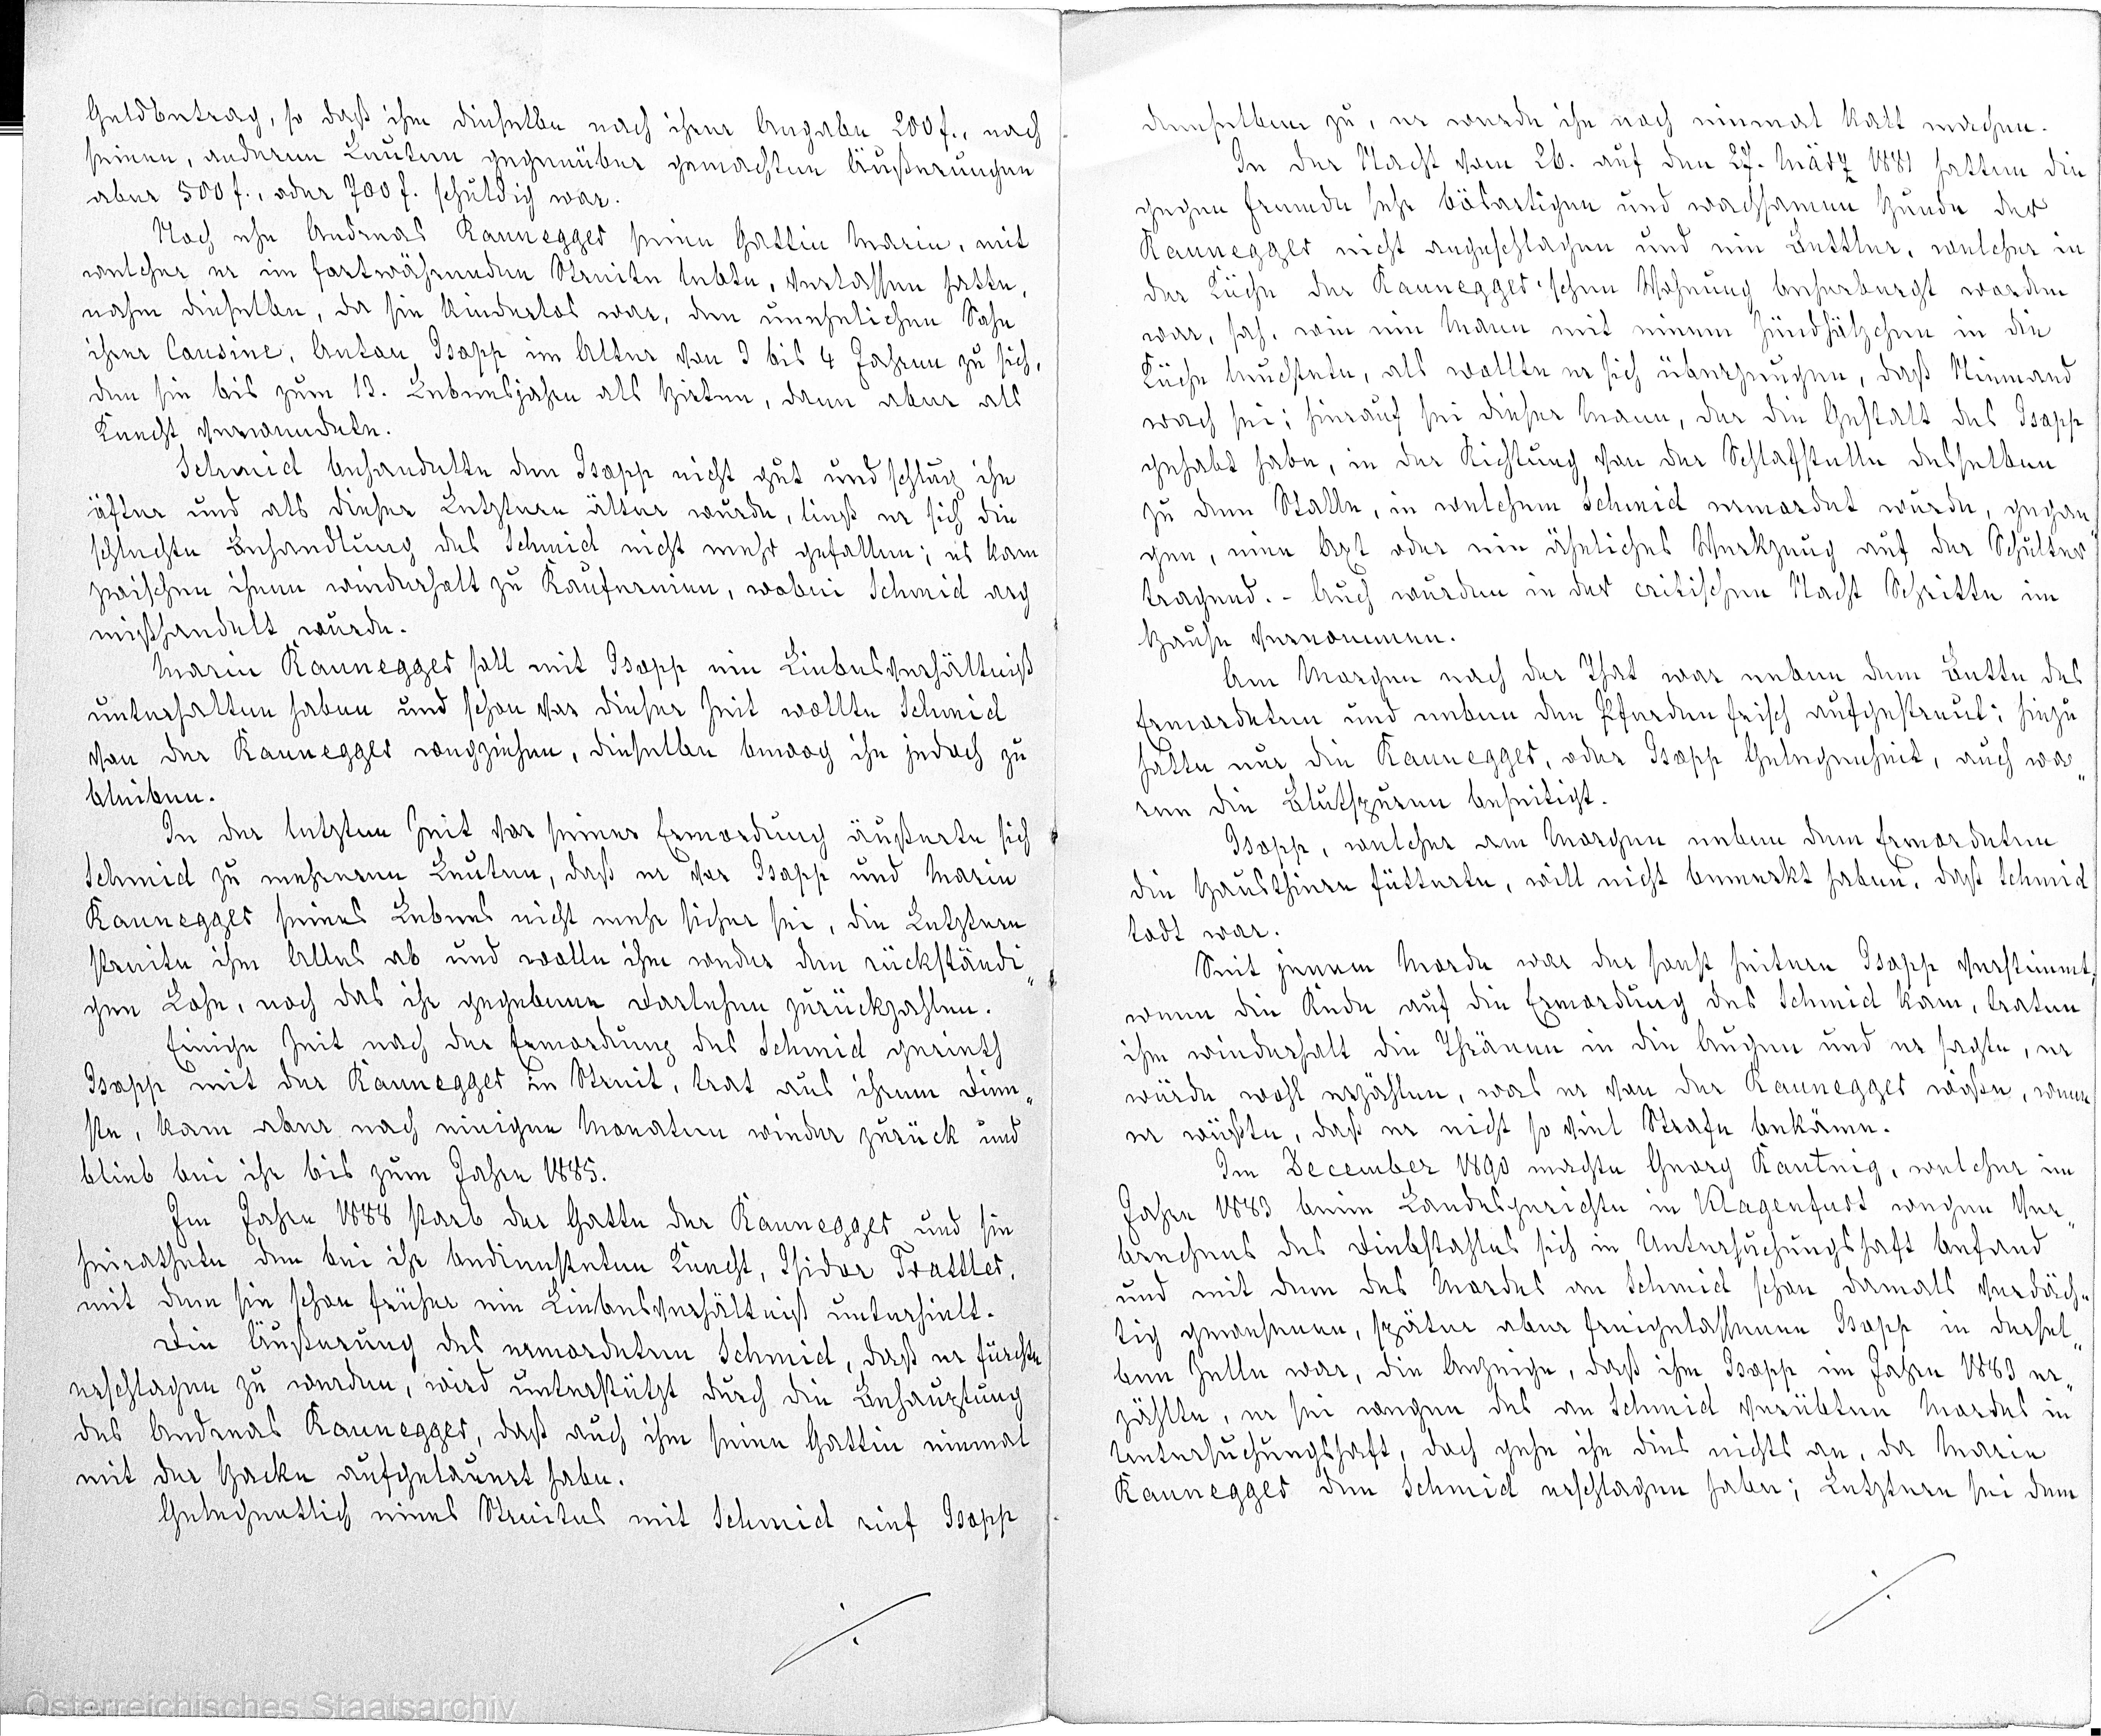Geldbetrag, so daß ihm dieselbe nach ihrer Angabe 200f, nach
seinen, anderen Leuten gegenüber gemachten Äußerungen
aber 500f oder 700f schuldig war.
Noch ehe Andreas Raunegger seine Gattin Marie, mit
welcher er im fortwährenden Streite lebte, verlassen hatte,
nahm dieselbe, da sie kinderlos war, den unehelichen Sohn
ihrer Cousine, Anton Isopp im Alter von 3 bis 4 Jahren zu sich,
den sie bis zum 13. Lebensjahre als Hirten, dann aber als
Knecht verwendete.
Schmid behandlete den Isopp nicht gut und schlug ihn
öfter und als dieser Letztere älter wurde, ließ er sich die
schlechte Behandlung des Schmid nicht mehr gefallen; es kam
zwischen ihnen wiederholt zu Raufereien, wobei Schmid arg
mißhandelt wurde.
Marie Raunegger soll mit Isopp ein Liebesverhältniß
unterhalten haben und schon vor dieser Zeit wollte Schmid
von der Raunegger wegziehen, dieselbe bewog ihn jedoch zu
bleiben.
In der letzten Zeit vor seiner Ermordung äußerte sich
Schmid zu mehreren Leuten, daß er vor Isopp und Marie
Raunegger seines Lebens nicht mehr sicher sei, die Letztere
streite ihm Alles ab und wolle ihm weder den rückständi¬
gen Lohn, noch das ihr gegebene Darlehen zurückzahlen.
Einige Zeit nach der Ermordung des Schmid gerieth
Isopp mit der Raunegger in Streit, trat aus ihrem Dien¬
ste, kam aber nach einigen Monaten wieder zurück und
blieb bei ihr bis zum Jahre 1885.
Im Jahre 1888 starb der Gatte der Raunegger und sie
heirathete den bei ihr bediensteten Knecht, Isidor Trattler,
mit dem sie schon früher ein Liebesverhältniß unterhielt.
Die Äußerung des ermordeten Schmid, daß er fürchte
erschlagen zu werden, wird unterstützt durch die Behauptung
des Andreas Raunegger, daß auch ihm seine Gattin einmal
mit der Hacke aufgelauert habe.
Gelegentlich eines Streites mit Schmid rief Isopp
demselben zu, er wurde ihn nach einmal kalt machen.
In der Nacht vom 26. Auf den 27. März 1881 hatten die
gegen fremde sehr bösartigen und wachsamen Hunde der
Raunegger nicht angeschlagen und ein Bettler, welcher in
der Küche der Raunegger’schen Wohnung beherbergt worden
war, sah, wie ein Mann mit einem Zündhölzchen in die
Küche leuchtete, als wollte er sich überzeugen, daß Niemand
wach sei; hierauf sei dieser Mann, der die Gestalt des Isopp
gehabt habe, in der Richtung von der Schlafstelle diesselben
zu dem Stalle, in welchem Schmid ermordet wurde, gegan¬
gen, eine Axt oder ein ähnliches Werkzeug auf der Schulter
tragend. Auch wurden in der critischen Nacht Schritte im
Hause vernommen.
Am Morgen nach der That war neben dem Bette des
Ermordeten und neben den Pferden frisch aufgestreut: hinzu
hatte nur die Raunegger, oder Isopp Gelegenheit, auch wa¬
ren die Blutspuren beseitigt.
Isopp, welcher am Morgen neben dem Ermordeten
die Hausthiere fütterte, will nicht bemerkt haben, daß Schimd
todt war.
Seit jenem Morde war der sonst heitere Isopp verstimmt,
wenn die Rede auf die Ermordung des Schmid kam, traten
ihm wiederholt die Thränen in die Augen und er sagte, er
würde wohl erzählen, was er von der Raunegger wiße, wenn
er wüßte, daß er nicht so viel Strafe bekäme.
Im December 1890 machte Georg Rautnig, welcher im
Jahre 1883 beim Landesgerichte in Klagenfurt wegen Ver¬
brechens des Diebstahles sich in Untersuchungshaft befand
und mit dem des Mordes an Schmid schon damals verdäch¬
tig gewesenen, später aber freigelassenen Isopp in dersel¬
ben Zelle war, die Anzeige, daß ihm Isopp im Jahre 1883 er¬
zählte, er sei wegen des an Schmid verübten Mordes in
Untersuchungshaft, doch gehe ihn dies nichts an, da Marie
Raunegger den Schmid erschlagen habe; Letztere sei dem